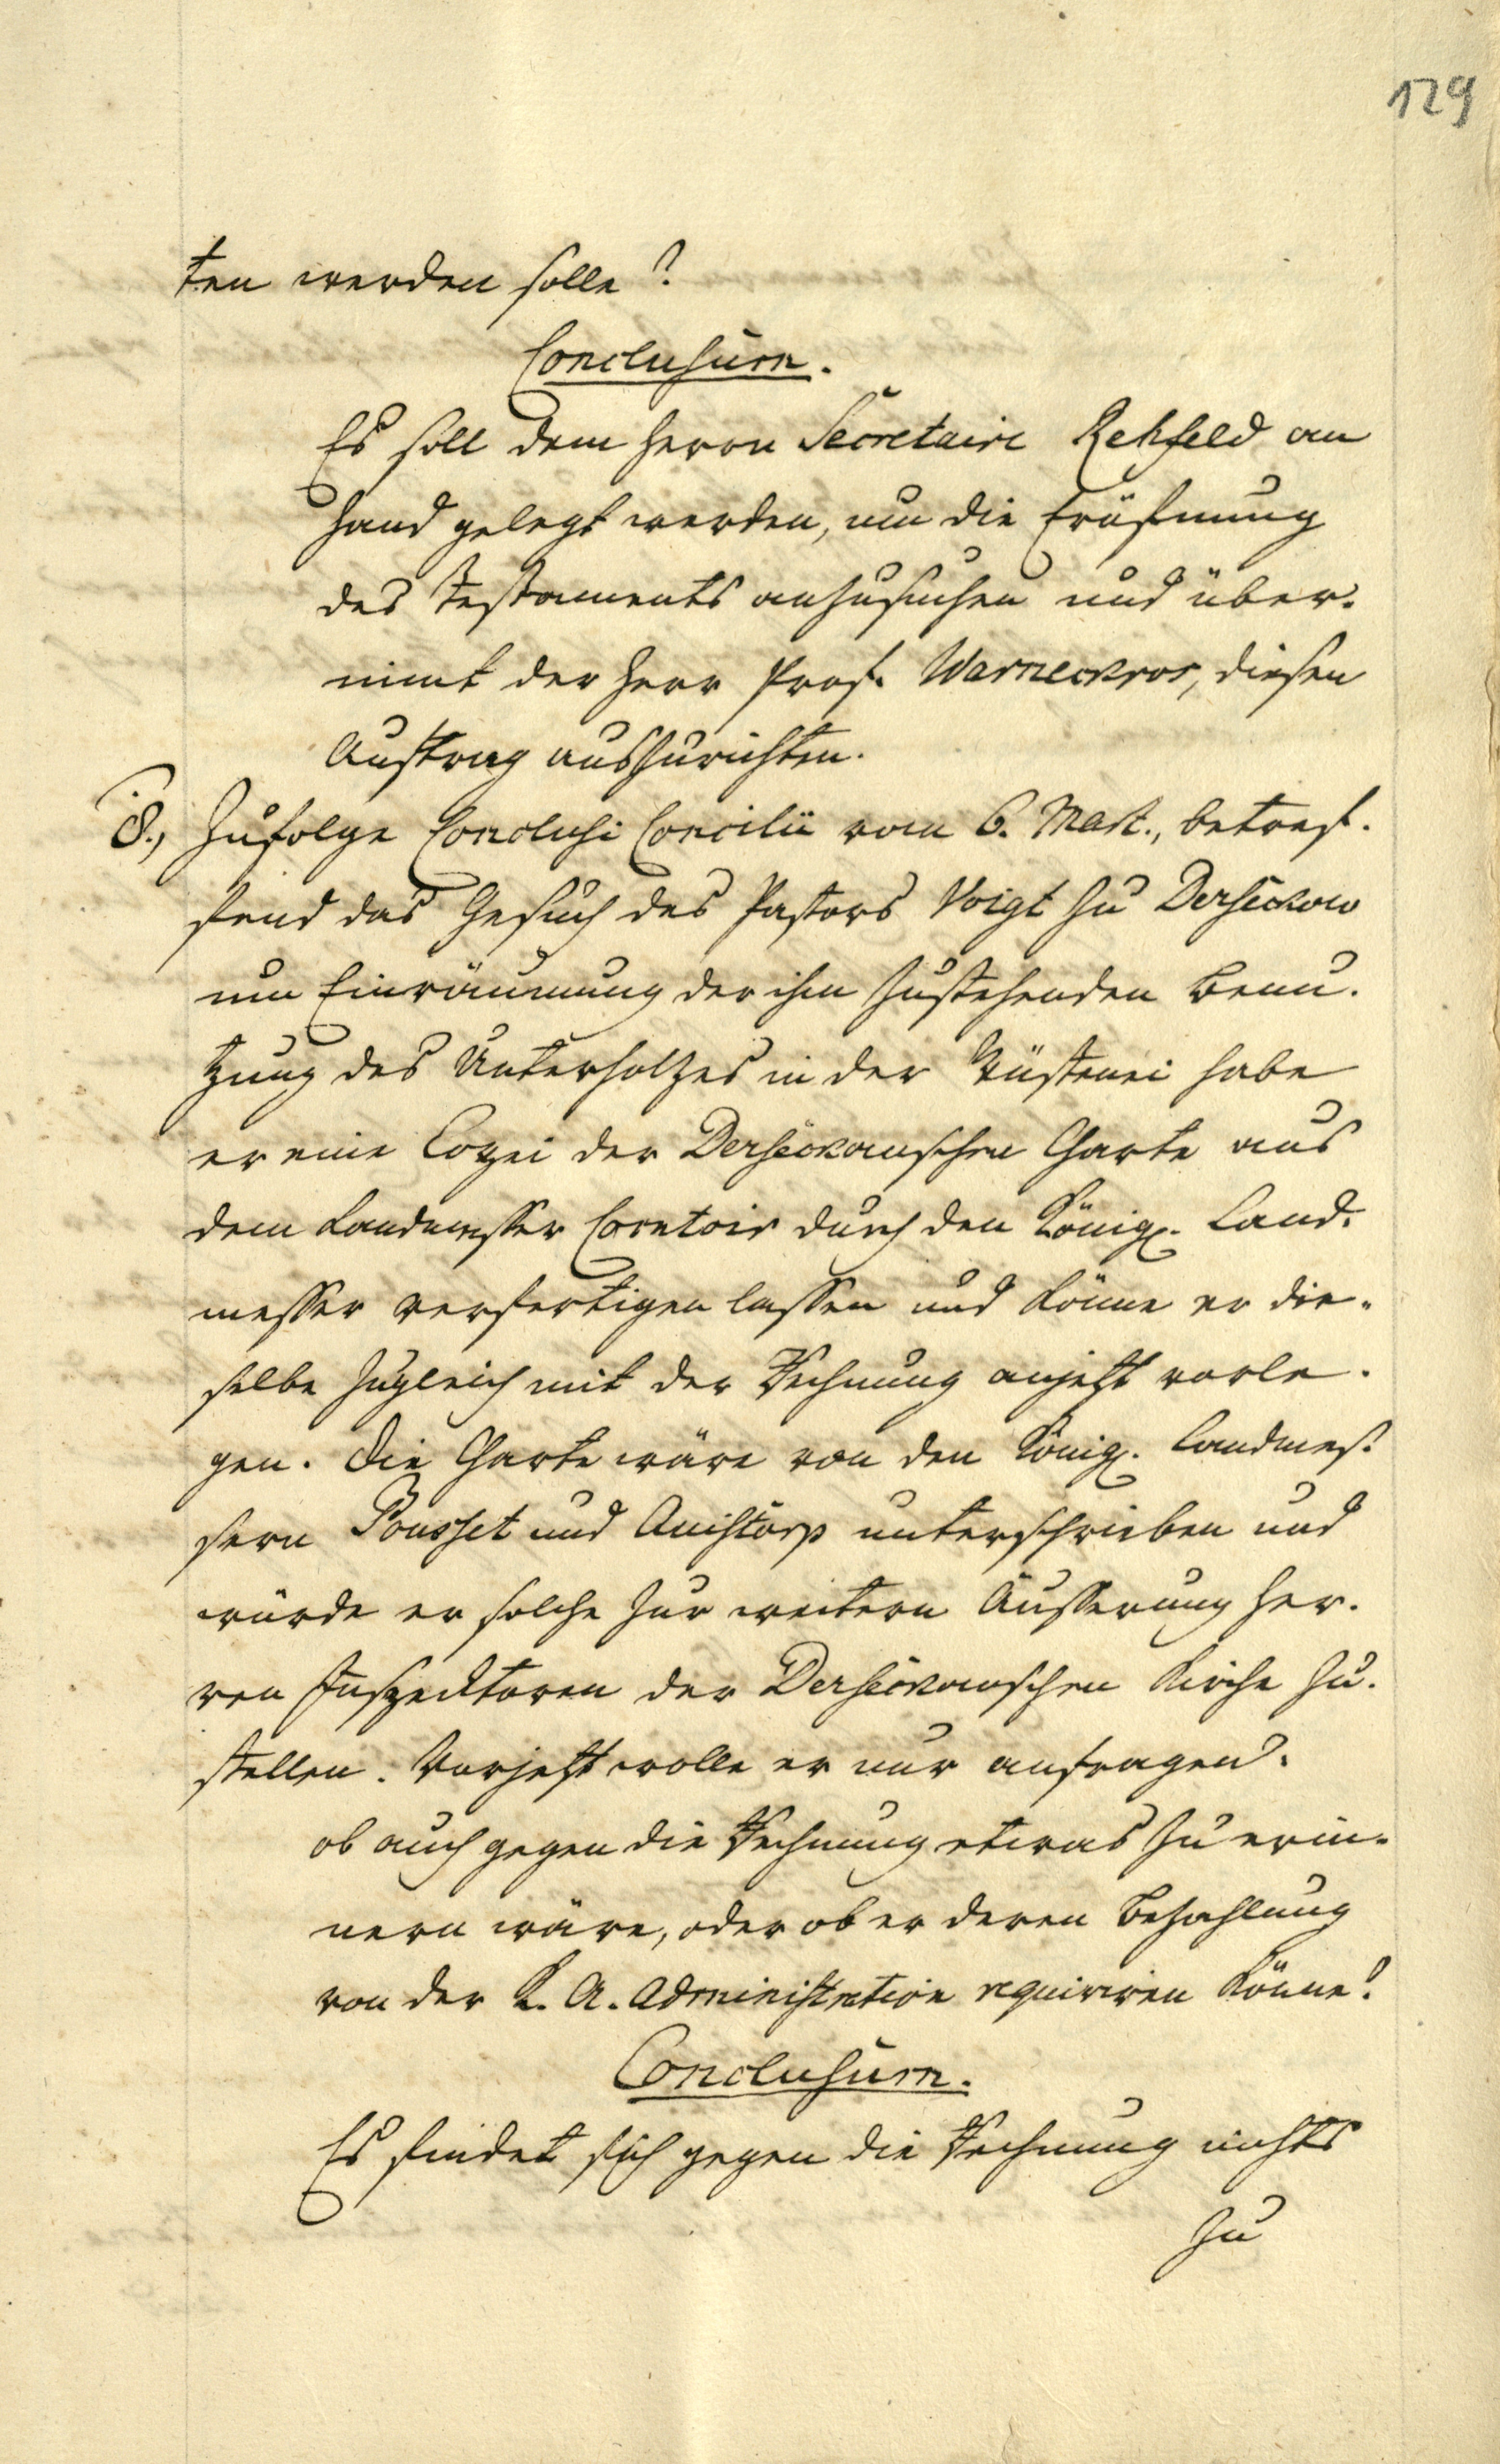ten werden solle?
Conclusum.
Es soll dem Herrn Secretaire Rehfeld an
Hand gelegt werden, nun die Eröfnung
des Testaments anzusuchen und über¬
nimmt der Herr Prof. Warneckros, diesen
Auftrag auszurichten.
8., Zufolge Conclusi Concilii vom 6. Mart, betref¬
fend das Gesuch des Pastors Voigt zu Derseckow
um Einräumung der ihm zustehenden Benu¬
tzung des Unterholzes in der Wüstenei habe
er eine Copei der Derseckowschen Charte aus
dem Landmesser Comtoir durch den Königl. Land¬
messer verfertigen lassen und könne er die¬
selbe zugleich mit der Rechnung anjetzt vorle-
gen. Die Charte wäre von den Königl. Landmes¬
sern Pousset und Quistorp unterschrieben und
würde er solche zur weitern Äusserung Her¬
ren Inspectoren der Deseckowschen Kirche zu¬
stellen. Vorjetzt wolle er nur anfragen:
ob auch gegen die Rechnung etwas zu erin¬
nern wäre, oder ob er deren Bezahlung
von der K. A. Administration requiriren könne?
Conclusum.
Es findet sich gegen die Rechnung nichts
zu